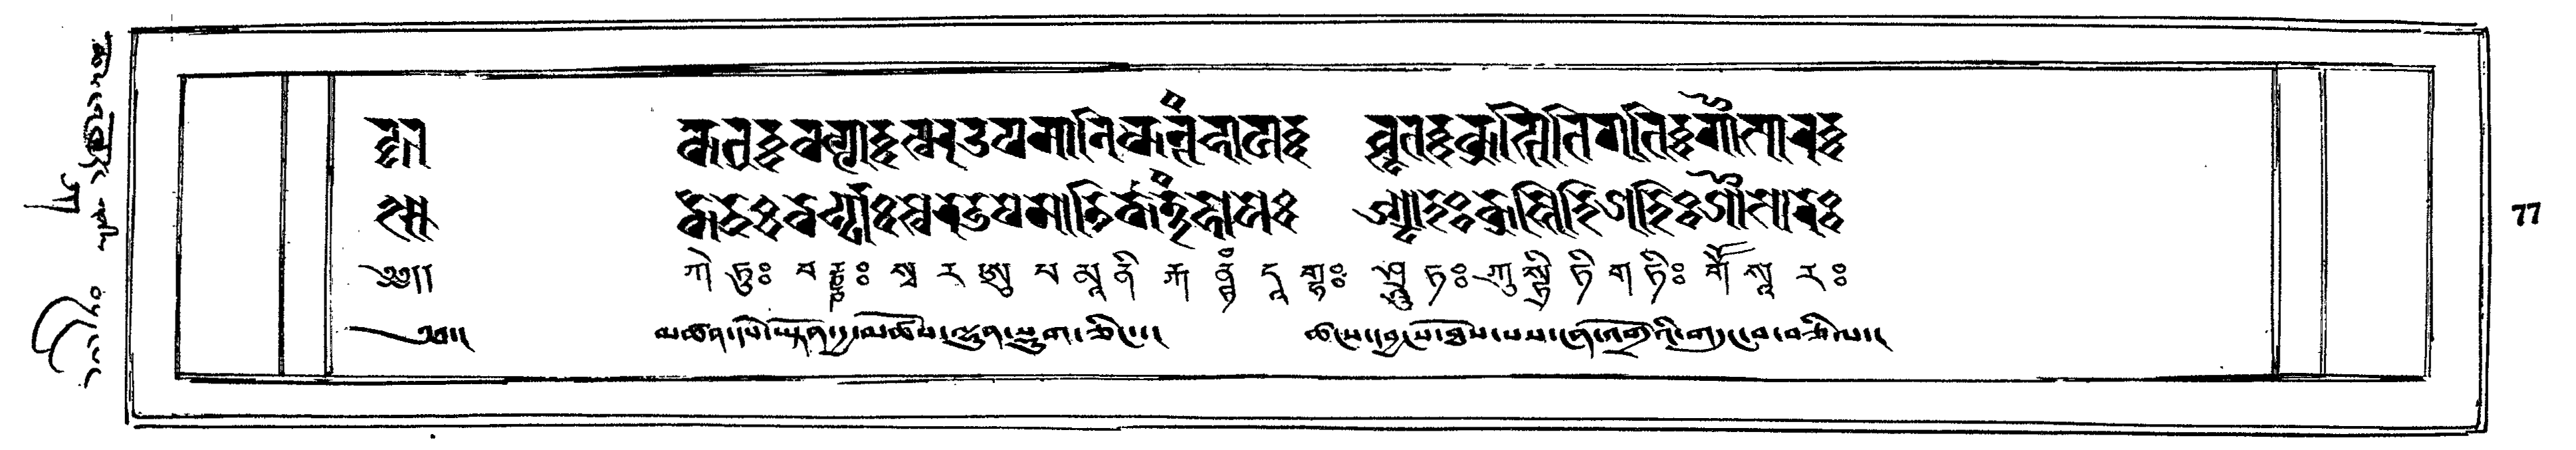མཚན་དཔེ་ཡོན་ཏན་རྒྱ་མཚོས་ལྷུན་སྡུག་ཅིང་། །ཚངས་དབྱངས་ཐོས་པས་ངན་འགྲོའི་གདུང་བ་བཅིལ།